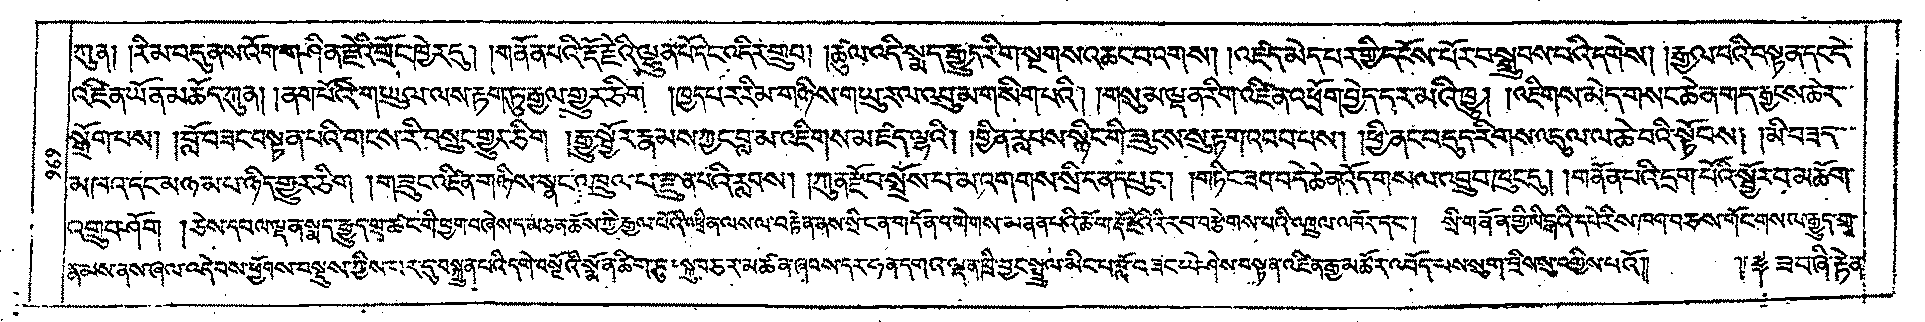ཀུན། །རིམ་བདུན་ས་འོག་གཤིན་རྗེའི་གྲོང་ཁྱེར་དུ། །གནོན་པའི་རྡོ་རྗེའི་ལྷུན་པོ་དེང་འདིར་གྲུབ། །ཚུལ་འདི་སྨད་རྒྱུད་རིག་སྔགས་འཆང་བ་འགས། །འཛད་མེད་པར་གྱི་དངོས་པོར་བསྒྲུབས་པའི་དགེས། །རྒྱལ་བའི་བསྟན་དང་དེ་
འཛིན་ཡོན་མཆོད་ཀུན། །ནག་པོའི་གཡུལ་ལས་རྟག་ཏུ་རྒྱལ་གྱུར་ཅིག །ཁྱད་པར་རིམ་གཉིས་གཡུ་རལ་འབུམ་གསིག་པའི། །གསུམ་ལྡན་རིག་འཛིན་འཕྲོག་བྱེད་དར་མའི་ཁྱུ། །འཇིགས་མེད་གསང་ཆེན་གད་རྒྱངས་ཆེར་
སྒྲོག་པས། །བློ་བཟང་བསྟན་པའི་གངས་རི་བསྲུང་གྱུར་ཅིག །རྒྱུ་སྦྱོར་རྣམས་ཀྱང་བླ་མ་འཇིགས་མཛད་ལྷའི། །བྱིན་རླབས་སྙིང་གི་ཟུངས་སུ་རྟག་འབབ་པས། །ཕྱི་ནང་བདུད་རིགས་འདུལ་ལ་ཆེ་བའི་སྟོབས། །མི་བཟད་
མཁའ་དང་མཉམ་པ་ཉིད་གྱུར་ཅིག །གཟུང་འཛིན་གཉིས་སྣང་འཁྲུལ་པ་རྫུན་པའི་རླབས། །ཀུན་རྫོབ་སྤྲོས་པ་མ་འགགས་སྲི་ངན་དཔུང་། །གཏིང་ཟབ་བདེ་ཆེན་འོད་གསལ་འབྲུབ་ཁུང་དུ། །གནོན་པའི་དྲག་པོའི་སྦྱོར་བ་མཆོག་
འགྲུབ་ཤོག །ཅེས་དཔལ་ལྡན་སྨད་རྒྱུད་གྲྭ་ཚང་གི་ཕྱག་བཞེས་དམ་ཅན་ཆོས་ཀྱི་རྒྱལ་པོའི་འཕྲིན་ལས་ལ་བརྟེན་ནས་སྲི་ངན་གདོན་བེགས་མནན་པའི་ཆོ་ག་རྡོ་རྗེའི་རི་རབ་བརྩེགས་པའི་འཁྲུལ་འཁོར་དང་། སྲི་གནོན་གྱི་ལིངྒའི་དཔེ་རིས་ཁག་བཅས་གོང་གསལ་རྒྱུད་གྲྭ་
རྣམས་ནས་ཞལ་འདེབས་ཕྱོགས་བསྡུས་ཀྱིས་པར་དུ་བསྐྲུན་པའི་དགེ་བསྔོའི་སྨོན་ཚིག་ཏུ་༧སྐུ་བཅར་མཚན་ཞབས་དར་ཧན་དགའ་ལྡན་ཁྲི་བྱང་སྤྲུལ་མིང་པ་བློ་བཟང་ཡེ་ཤེས་བསྟན་འཛིན་རྒྱ་མཚོར་འབོད་པས་སུག་བྲིས་སུ་བགྱིས་པའོ།། །།༈ ཟབ་ཞི་རྟེན་